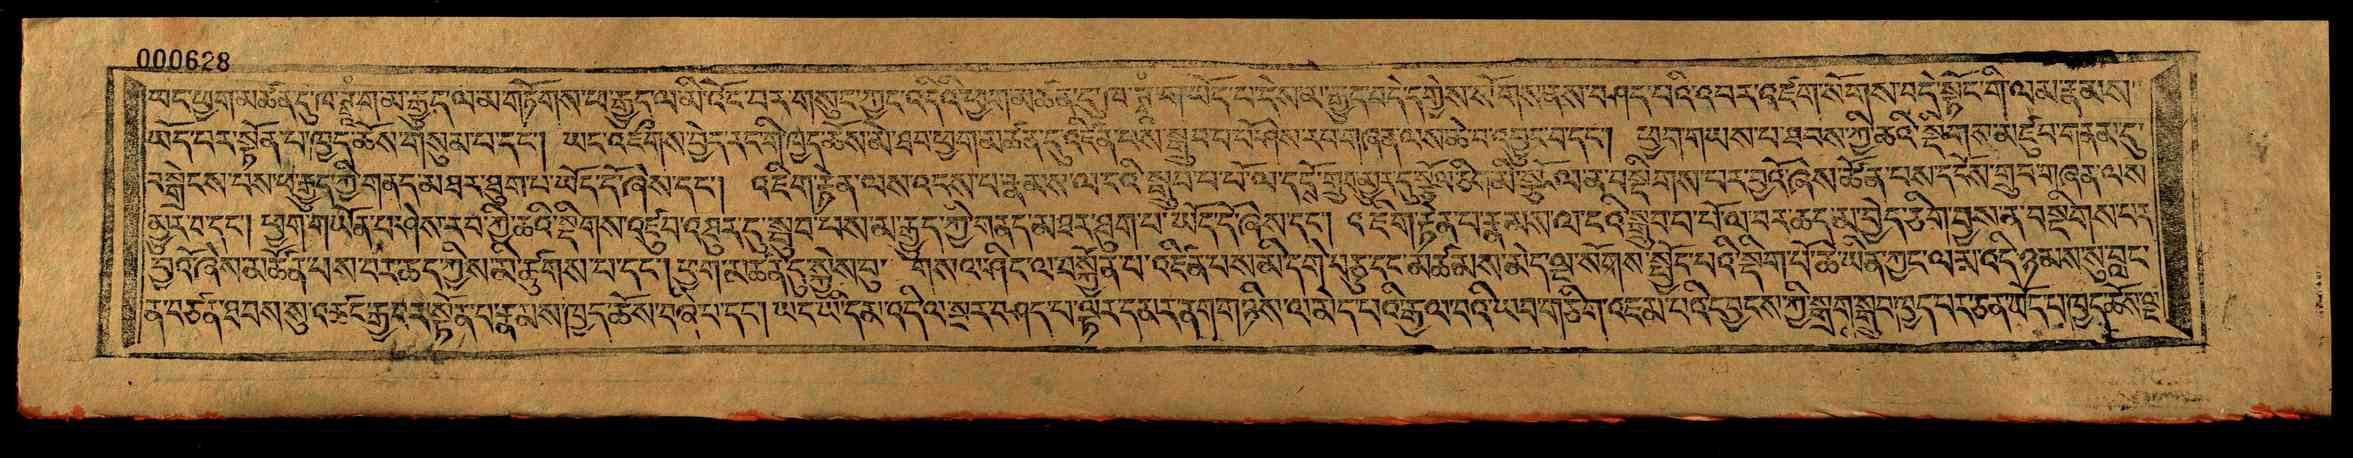དུ་ཁཱ་ཊཱཾ་ག་མ་རྒྱུད་ལ་མ་གཏོགས་ཕ་རྒྱུད་ལ་མི་འོང་བར་གསུངས་ཀྱང་འདིའི་ཕྱག་མཚན་དུ་ཁཱ་ཊཱཾ་ག་ཡོད་པ་དེས་མ་རྒྱུད་བདེ་དགྱེས་སོགས་ནས་བཤད་པའི་འབར་འཛག་སོགས་བདེ་སྟོང་གི་ལམ་རྣམས་ཡོད་པར་སྟོན་པ་ཁྱད་
ཆོས་གསུམ་པ་དང་། ཡང་འཇིགས་བྱེད་རང་གི་ཁྱད་ཆོས་མེ་ཐབ་ཕྱག་མཚན་དུ་འཛིན་པས་སྒྲུབ་པ་པོ་ཤེས་རབ་གཞན་ལས་ཆེ་བ་འབྱུང་བ་དང་། ཕྱག་གཡས་པ་ཐབས་ཀྱི་ཆའི་སྡིགས་མཛུབ་གནམ་དུ་བསྒྲེངས་པས་ཕ་རྒྱུད་
ཀྱི་གནད་མཐར་ཐུག་པ་ཡོད་དོ་ཞེས་དང་། འཇིག་རྟེན་ལས་འདས་པ་རྣམས་ལ་ངའི་སྒྲུབ་པ་པོ་ལ་དངོས་གྲུབ་མྱུར་དུ་སྩོལ་ཅིག་མི་སྩོལ་ན་བསྡིགས་པར་བྱའོ་ཞེས་མཚོན་པས་དངོས་གྲུབ་གཞན་ལས་མྱུར་བ་དང་། ཕྱག་གཡོན་
པ་ཤེས་རབ་ཀྱི་ཆའི་སྡིགས་མཛུབ་འཐུར་དུ་སྦུབ་པས་མ་རྒྱུད་ཀྱི་གནད་མཐར་ཐུག་པ་ཡོད་དོ་ཞེས་དང་། འཇིག་རྟེན་པ་རྣམ་ལ་ངའི་སྒྲུབ་པ་པོ་ལ་བར་ཆད་མ་བྱེད་ཅིག་བྱས་ན་བསྡིགས་པར་བྱའོ་ཞེས་མཚོན་པས་བར་ཆད་
ཀྱིས་མི་ཚུགས་པ་དང་། ཕྱག་མཚན་དུ་སྐྱེས་བུ་གསལ་ཤིང་ལ་བསྐྱོན་པ་འཛིན་པས་མི་དགེ་བཅུ་དང་མཚམས་མེད་ལྔ་སོགས་སྤྱོད་པའི་སྡིག་པོ་ཆེ་ཡིན་ཀྱང་ལམ་འདི་ཉམས་སུ་བླང་ན་བཙན་ཐབས་སུ་འཚང་རྒྱ་
བར་སྟོན་པ་རྣམས་ཁྱད་ཆོས་བཞི་པ་དང་། ཡང་ཡི་དམ་འདི་ལ་སྔར་བཤད་པ་ལྟར་དམར་ནག་གཉིས་ལ་མེད་པའི་རྒྱལ་བའི་ཡབ་གཅིག་འཇམ་པའི་དབྱངས་ཀྱི་སྦྲགས་སྒྲུབ་ཁྱད་པར་ཅན་ཡོད་པ་ཁྱད་ཆོས་ལྔ་